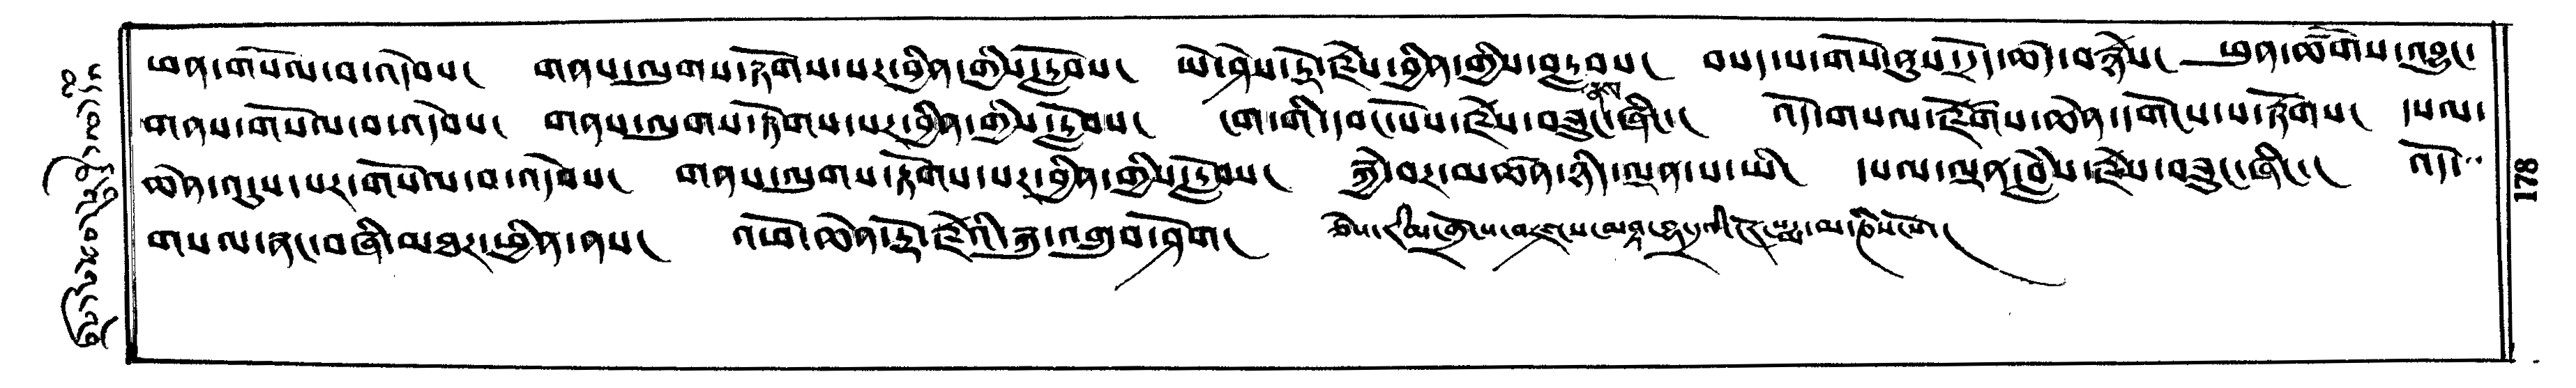ཕན་གསོལ་བ་འདེབས། །གནས་ལུགས་རྟོགས་པར་བྱིན་གྱིས་རློབས། ཡེ་ཤེས་རྡོ་རྗེས་བྱིན་གྱིས་བརླབས། །བསད་པ་གསོ་ནུས་དྲོད་ཚད་བརྙེས། །ཕུན་ཚོགས་འབྱུང་
གནས་གསོལ་བ་འདེབས། །གནས་ལུགས་རྟོགས་པར་བྱིན་གྱིས་རློབས། །ངག་གི་དབང་པོས་རྗེས་བཟུང་ཞིང་། །འོད་གསལ་རྫོགས་ཆེན་དགོངས་པ་རྟོགས། །དཔལ་
ཆེན་འདུས་པར་གསོལ་བ་འདེབས། །གནས་ལུགས་རྟོགས་པར་བྱིན་གྱིས་རློབས། །སྐྱེ་བར་མཚན་ཉིད་ལྡན་པ་ཡི། །དཔལ་ལྡན་བླ་མས་རྗེས་བཟུང་ཞིང་། འོད་
གསལ་སྣང་བཞི་མཐར་ཕྱིན་ནས། །འཕོ་ཆེན་རྡོ་རྗེའི་སྐུ་འགྲུབ་ཤོག ། ཅེས་རིམ་གྲོ་་པ་བཛྲ་ས་མནྟ་བྷ་དྲའི་ངོར་པདྨ་མ་ཎིས་སོ།། །།